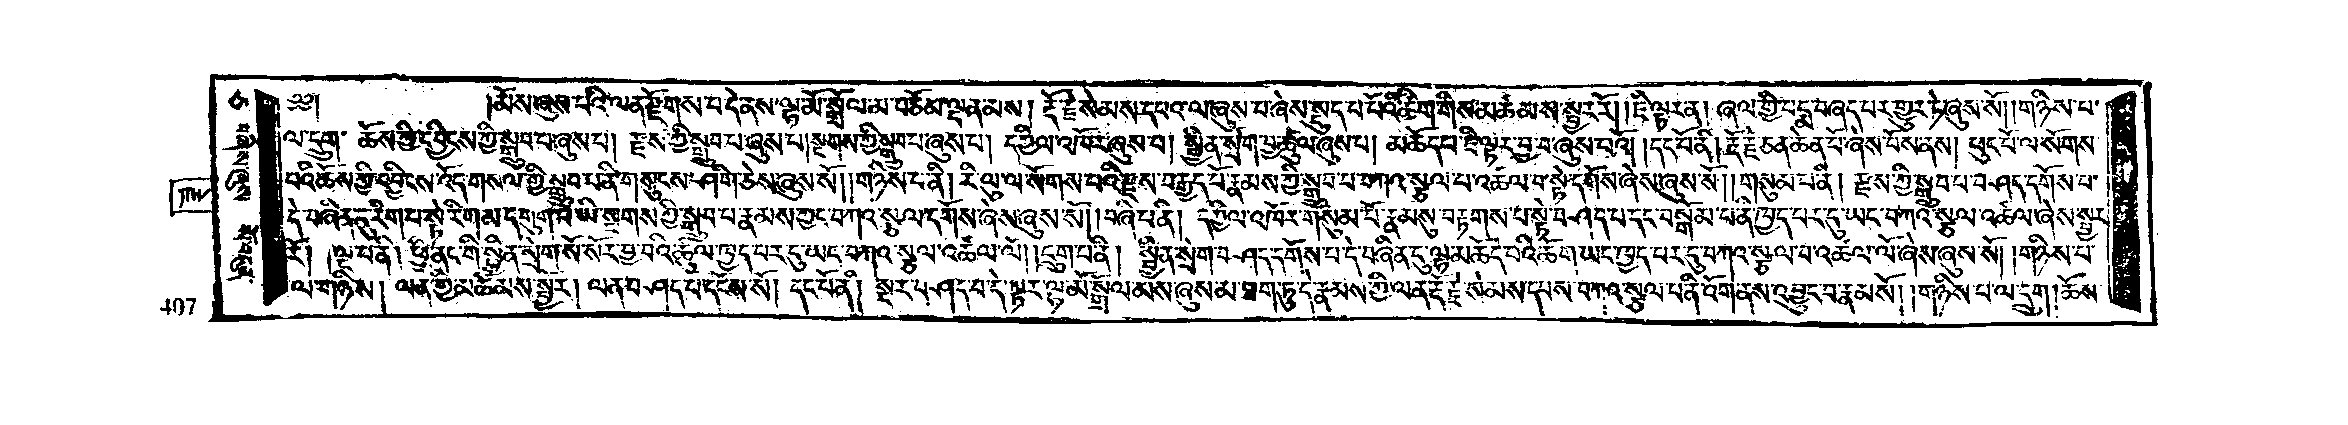༄༅། །མོས་ཞུས་པའི་ལན་རྫོགས་པ་དེ་ནས་ལྷ་མོ་སྒྲོལ་མ་བཅོམ་ལྡན་མས། རྡོ་རྗེ་སེམས་དཔའ་ལ་ཞུས་པ་ཞེས་སྡུད་པ་པོའི་ཚིག་གིས་མཚམས་སྦྱར་རོ། །ཇི་ལྟར་ན། ཞལ་གྱི་པདམ་བཞད་པར་གྱུར་ཏེ་ཞུས་སོ། །གཉིས་པ་
ལ་དྲུག་ཆོས་ཀྱི་དབྱིངས་ཀྱི་སྒྲུབ་པ་ཞུས་པ། རྫས་ཀྱི་སྒྲུབ་པ་ཞུས་པ། སྔགས་ཀྱི་སྒྲུབ་པ་ཞུས་པ། དཀྱིལ་འཁོར་ཞུས་པ། སྦྱིན་སྲེག་བྱ་ཚུལ་ཞུས་པ། མཆོད་པ་ཇི་ལྟར་བྱ་བ་ཞུས་པའོ། །དང་པོ་ནི། རྡོ་རྗེ་ཅན་ཆེན་པོ་ཞེས་བོས་ནས། ཕུང་པོ་ལ་སོགས་
པའི་ཆོས་ཀྱི་དབྱིངས་འོད་གསལ་གྱི་སྒྲུབ་པ་ནི་གསུངས་ཤིག་ཅེས་ཞུས་སོ། །གཉིས་པ་ནི། རི་ལུ་ལ་སོགས་པའི་རྫས་བརྒྱད་པོ་རྣམས་ཀྱི་སྒྲུབ་པ་བཀའ་སྩལ་པ་འཚལ་བ་སྟེ་དགོས་ཞེས་ཞུས་སོ། །གསུམ་པ་ནི། རྫས་ཀྱི་སྒྲུབ་པ་བཤད་དགོས་པ་
དེ་བཞིན་དུ་རིག་པ་སྟེ་རིག་མ་དགུག་པ་ཡི་སྔགས་ཀྱི་སྒྲུབ་པ་རྣམས་ཀྱང་བཀའ་སྩལ་དགོས་ཞེས་ཞུས་སོ། །བཞི་པ་ནི། དཀྱིལ་འཁོར་གསུམ་པོ་རྣམས་སུ་བརྟགས་པ་སྟེ་བཤད་པ་དང་བསྒོམ་པ་ནི་ཁྱད་པར་དུ་ཡང་བཀའ་སྩལ་འཚལ་ཞེས་སྦྱར་
རོ། །ལྔ་པ་ནི། ཕྱི་ནང་གི་སྦྱིན་སྲེག་སོ་སོར་བྱ་བའི་ཚུལ་ཁྱད་པར་དུ་ཡང་བཀའ་སྩལ་འཚལ་ལོ། །དྲུག་པ་ནི། སྦྱིན་སྲེག་བཤད་དགོས་པ་དེ་བཞིན་དུ་ལྷ་མཆོད་པའི་ཆོ་ག་ཡང་ཁྱད་པར་དུ་བཀའ་སྩལ་བ་འཚལ་ལོ་ཞེས་ཞུས་སོ། །གཉིས་པ་
ལ་གཉིས། ལན་གྱི་མཚམས་སྦྱོར། ལན་བཤད་པ་དངོས་སོ། དང་པོ་ནི། སྔར་བཤད་པ་དེ་ལྟར་ལྷ་མོ་སྒྲོལ་མས་ཞུས་མ་ཐག་ཏུ་དེ་རྣམས་ཀྱི་ལན་རྡོ་རྗེ་སེམས་དཔས་བཀའ་སྩལ་པ་ནི་འོག་ནས་འབྱུང་བ་རྣམས་སོ། །གཉིས་པ་ལ་དྲུག །ཆོས་